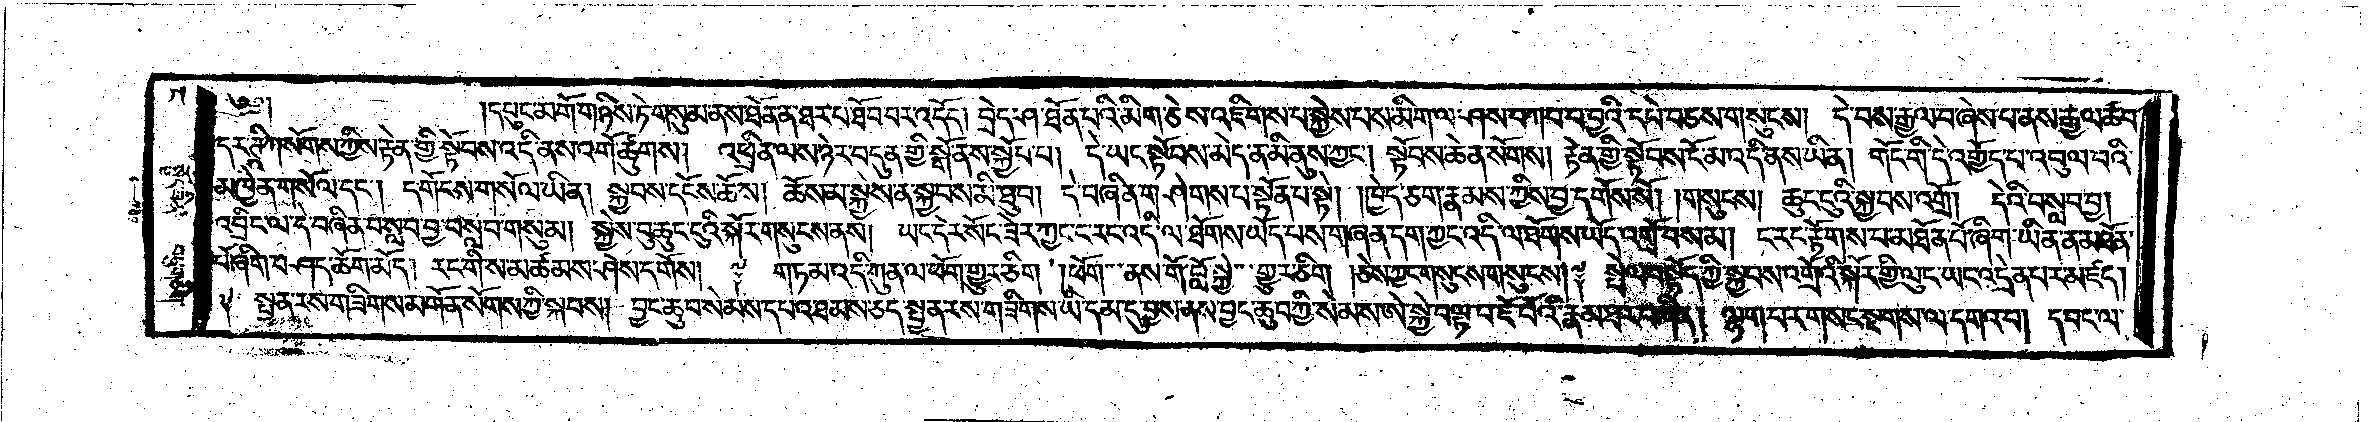༄༅། །དཔུང་མགོ་གཉིས་ཏེ་གསུམ་ནས་ཐོན་ན་ཐར་པ་ཐོབ་བར་འདོད། བྲེད་ཤ་ཐོན་པའི་མིག་ཅེས་འཇིགས་པ་སྐྱེས་པས་མིག་ལ་ཤས་བཀབ་བ་བྱའི་དཔེ་བཅས་གསུངས། དེ་བས་རྒྱལ་བ་ཞེས་པ་ནས་རྒྱལ་ཚབ་
དར་ཊཱིཀ་སོགས་ཀྱིས་རྟེན་གྱི་སྟོབས་འདི་ནས་འགོ་ཚུགས༑ འཕྲིན་ལས་ཉེར་བདུན་གྱི་སྒོ་ནས་སྐྱོབ་པ། དེ་ཡང་སྟོབས་མེད་ན་མི་ནུས་ཀྱང་། སྟོབས་ཆེན་སོགས། རྟེན་གྱི་སྟོབས་ངོ་མ་འདི་ནས་ཡིན། གོང་གི་དེ་འགྱོད་པ་འབུལ་བའི་
མཁྱེན་གསོལ་དང་། དགོངས་གསོལ་ཡིན། སྐྱབས་དངོས་ཆོས། ཆོས་མ་སྐྱེས་ན་སྐྱབས་མི་ཐུབ། དེ་བཞིན་གཤེགས་པ་སྟོན་པ་སྟེ། །ཁྱེད་ཅག་རྣམས་ཀྱིས་བྱ་དགོས་སོ། །གསུངས། ཆུང་ངུའི་སྐྱབས་འགྲོ། དེའི་བསླབ་བྱ།
འབྲིང་ལ་དེ་བཞིན་བསླབ་བྱ་བསླབ་གསུམ། སྐྱེས་བུ་ཆུང་ངུའི་སྐོར་གསུངས་ནས། ཡང་དེར་སོང་ཟེར་ཀྱང་ང་རང་འདི་ལ་ཐོགས་ཡོད་པས་གཞན་དག་ཀྱང་འདི་ལ་ཐོགས་ཡོད་འགྲོ་བསམ། ང་རང་རྟོགས་པ་མཐོན་པོ་ཞིག་ཡིན་ན་མཐོན་
པོ་ཞིག་བཤད་ཆོག་མོད། རང་གི་ས་མཚམས་ཤེས་དགོས། ༈ གཏམ་འདི་ཀུན་ལ་ཕོག་གྱུར་ཅིག །ཕོག་ནས་གོ་བློ་སྐྱེ་གྱུར་ཅིག །ཅེས་ཀྱང་གསུངས་གསུངས། ༈ སྤེལ་བསྟོད་ཀྱི་སྐྱབས་འགྲོའི་སྐོར་གྱི་ལུང་ཡང་འདྲེན་པར་མཛད།
༈ སྤྱན་རས་གཟིགས་མགོན་སོགས་ཀྱི་སྐབས། བྱང་ཆུབ་སེམས་དཔའ་ཐམས་ཅད་སྤྱན་རས་གཟིགས་ཡི་དམ་དུ་བྱས་ནས་བྱང་ཆུབ་ཀྱི་སེམས་ཨེ་སྐྱེ་བ་ལྟ་བ་ཇོ་བོའི་རྣམ་ཐར་བཞིན། ལྷག་པར་གསང་སྔགས་ལ་དགའ་བ། དབང་ལ་